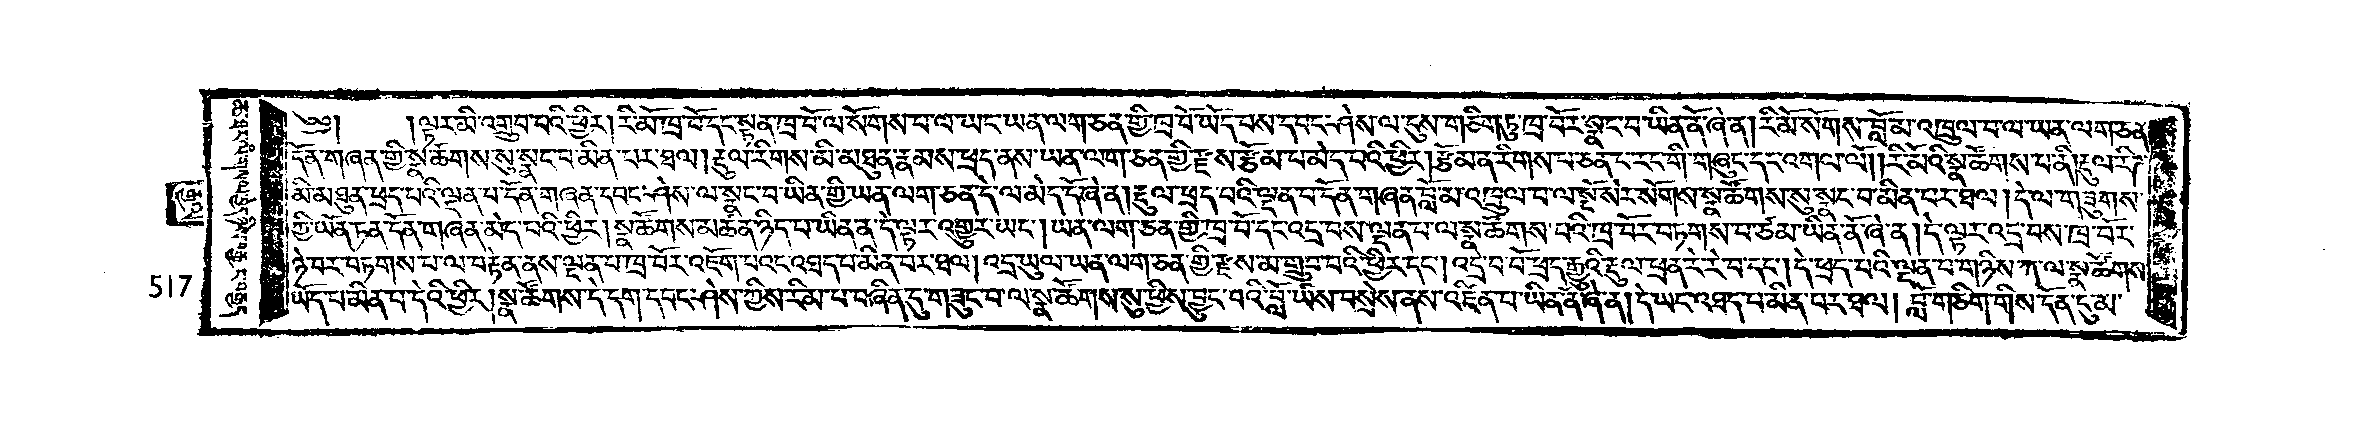༄༅། །ལྟར་མི་འགྲུབ་པའི་ཕྱིར། རི་མོ་ཁྲ་བོ་དང་སྟན་ཁྲ་བོ་ལ་སོགས་པ་ལ་ཡང་ཡན་ལག་ཅན་གྱི་ཁྲ་བོ་ཡོད་པས་དབང་ཤེས་ལ་དུས་གཅིག་ཏུ་ཁྲ་བོར་སྣང་བ་ཡིན་ནོ་ཞེ་ན། རི་མོ་སོགས་བློ་མ་འཁྲུལ་བ་ལ་ཡན་ལག་ཅན་
དོན་གཞན་གྱི་སྣ་ཚོགས་སུ་སྣང་བ་མིན་པར་ཐལ། རྡུལ་རིགས་མི་མཐུན་རྣམས་ཕྲད་ནས་ཡན་ལག་ཅན་གྱི་རྫས་རྩོམ་པ་མེད་པའི་ཕྱིར། རྩོམ་ན་རིགས་པ་ཅན་པ་རང་གི་གཞུང་དང་འགལ་ལོ། །རི་མོའི་སྣ་ཚོགས་པ་ནི། རྡུལ་རིཌ་?
མི་མཐུན་ཕྲད་པའི་ལྡན་པ་དོན་གཞན་དབང་ཤེས་ལ་སྣང་བ་ཡིན་གྱི་ཡན་ལག་ཅན་དེ་ལ་མེད་དོ་ཞེ་ན། རྡུལ་ཕྲད་པའི་ལྡན་པ་དོན་གཞན་བློ་མ་འཁྲུལ་བ་ལ་སྔོ་སེར་སོགས་སྣ་ཚོགས་སུ་སྣང་བ་མིན་པར་ཐལ། དེ་ལ་གཟུགས་
ཀྱི་ཡོན་ཏན་དོན་གཞན་མེད་པའི་ཕྱིར། སྣ་ཚོགས་མཚན་ཉིད་པ་ཡིན་ན་དེ་ལྟར་འགྱུར་ཡང་། ཡན་ལག་ཅན་གྱི་ཁྲ་བོ་དང་འདྲ་བས་ལྡན་པ་ལ་སྣ་ཚོགས་པའི་ཁྲ་བོར་བཏགས་པ་ཙམ་ཡིན་ནོ་ཞེ་ན། དེ་ལྟར་འདྲ་བས་ཁྲ་བོར་
ཉེ་བར་བཏགས་པ་ལ་བརྟེན་ནས་ལྡན་པ་ཁྲ་བོར་འཇོག་པའང་འཐད་པ་མིན་པར་ཐལ། འདྲ་ཡུལ་ཡན་ལག་ཅན་གྱི་རྫས་མ་གྲུབ་པའི་ཕྱིར་དང་། འདྲ་བ་པོ་ཕྲད་རྒྱུའི་རྡུལ་ཕྲན་རེ་རེ་བ་དང་། དེ་ཕྲད་པའི་ལྡན་པ་གཉིས་ཀ་ལ་སྣ་ཚོགས་
ཡོད་པ་མིན་པ་དེའི་ཕྱིར། སྣ་ཚོགས་དེ་དག་དབང་ཤེས་ཀྱིས་རིམ་པ་བཞིན་དུ་གཟུང་བ་ལ་སྣ་ཚོགས་སུ་ཕྱིས་བྱུང་བའི་བློ་ཡིས་བསྲེས་ནས་འཛིན་པ་ཡིན་ནོ་ཞེ་ན། དེ་ཡང་འཐད་པ་མིན་པར་ཐལ། བློ་གཅིག་གིས་དོན་དུ་མ་